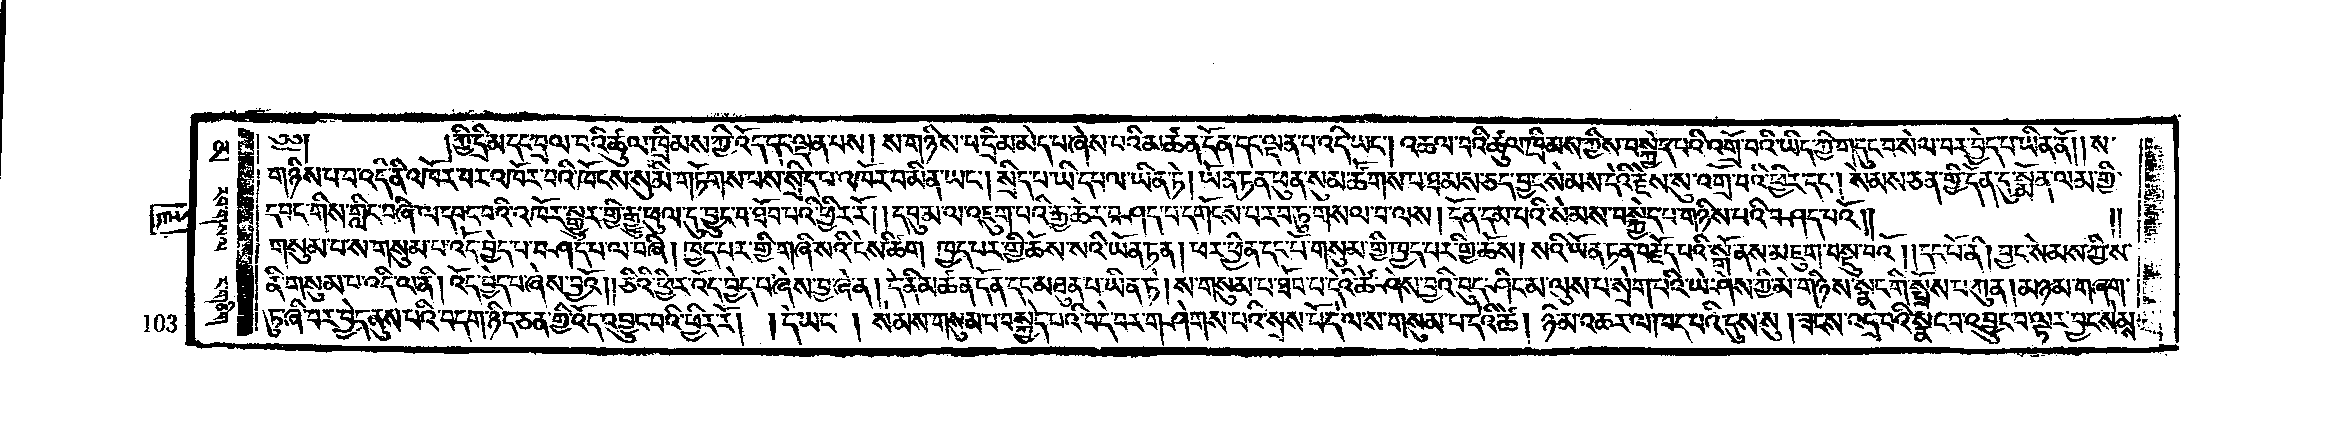༄༅། །ཀྱི་དྲི་མ་དང་བྲལ་བའི་ཚུལ་ཁྲིམས་ཀྱི་འོད་དང་ལྡན་པས། ས་གཉིས་པ་དྲི་མ་མེད་པ་ཞེས་པའི་མཚན་དོན་དང་ལྡན་པ་འདི་ཡང་། འཆལ་བའི་ཚུལ་ཁྲིམས་ཀྱིས་བསྐྱེད་པའི་འགྲོ་བའི་ཡིད་ཀྱི་གདུང་བ་སེལ་བར་བྱེད་པ་ཡིན་ནོ། །ས་
གཉིས་པ་བ་འདི་ནི་འཁོར་བར་འཁོར་བའི་ཁོངས་སུ་མི་གཏོགས་པས་སྲིད་པ་འཁོར་བ་མིན་ཡང་། སྲིད་པ་ཡི་དཔལ་ཡིན་ཏེ། ཡོན་ཏན་ཕུན་སུམ་ཚོགས་པ་ཐམས་ཅད་བྱང་སེམས་དེའི་རྗེས་སུ་འགྲོ་བའི་ཕྱིར་དང་། སེམས་ཅན་གྱི་དོན་དུ་སྨོན་ལམ་གྱི་
དབང་གིས་གླིང་བཞི་ལ་དབང་བའི་འཁོར་སྒྱུར་གྱི་རྒྱུ་ཕུལ་དུ་བྱུང་བ་ཐོབ་པའི་ཕྱིར་རོ། །དབུ་མ་ལ་འཇུག་པའི་རྒྱ་ཆེར་བཤད་པ་དགོངས་པ་རབ་ཏུ་གསལ་བ་ལས། དོན་དམ་པའི་སེམས་བསྐྱེད་པ་གཉིས་པའི་བཤད་པའོ།། ༈ །།
གསུམ་པ། ས་གསུམ་པ་འོད་བྱེད་པ་བཤད་པ་ལ་བཞི། ཁྱད་པར་གྱི་གཞི་སའི་ངེས་ཚིག་ཁྱད་པར་གྱི་ཆོས་སའི་ཡོན་ཏན། ཕར་ཕྱིན་དང་པོ་གསུམ་གྱི་ཁྱད་པར་གྱི་ཆོས། སའི་ཡོན་ཏན་བརྗོད་པའི་སྒོ་ནས་མཇུག་བསྡུ་བའོ། །དང་པོ་ནི། བྱང་སེམས་ཀྱི་ས་
ནི་གསུམ་པ་འདི་ལ་ནི། འོད་བྱེད་པ་ཞེས་བྱའོ། །ཅིའི་ཕྱིར་འོད་བྱེད་པ་ཞེས་བྱ་ཞེ་ན། དེ་ནི་མཚན་དོན་དང་མཐུན་པ་ཡིན་ཏེ། ས་གསུམ་པ་ཐོབ་པ་དེའི་ཚེ་ཤེས་བྱའི་བུད་ཤིང་མ་ལུས་པ་སྲེག་པའི་ཡེ་ཤེས་ཀྱི་མེ་གཉིས་སྣང་གི་སྤྲོས་པ་ཀུན། མཉམ་གཞག་
ཏུ་ཞི་བར་བྱེད་ནུས་པའི་བདག་ཉིད་ཅན་གྱི་འོད་འབྱུང་བའི་ཕྱིར་རོ། །དེ་ཡང་། སེམས་གསུམ་པ་བསྐྱེད་པའི་བདེ་བར་གཤེགས་པའི་སྲས་པོ་དེ་ལ་ས་གསུམ་པ་དེའི་ཚེ། ཉི་མ་འཆར་ལ་ཁད་པའི་དུས་སུ། ཟངས་འདྲི་བའི་སྣང་བ་འབྱུང་བ་ལྟར་བྱང་སེམས་